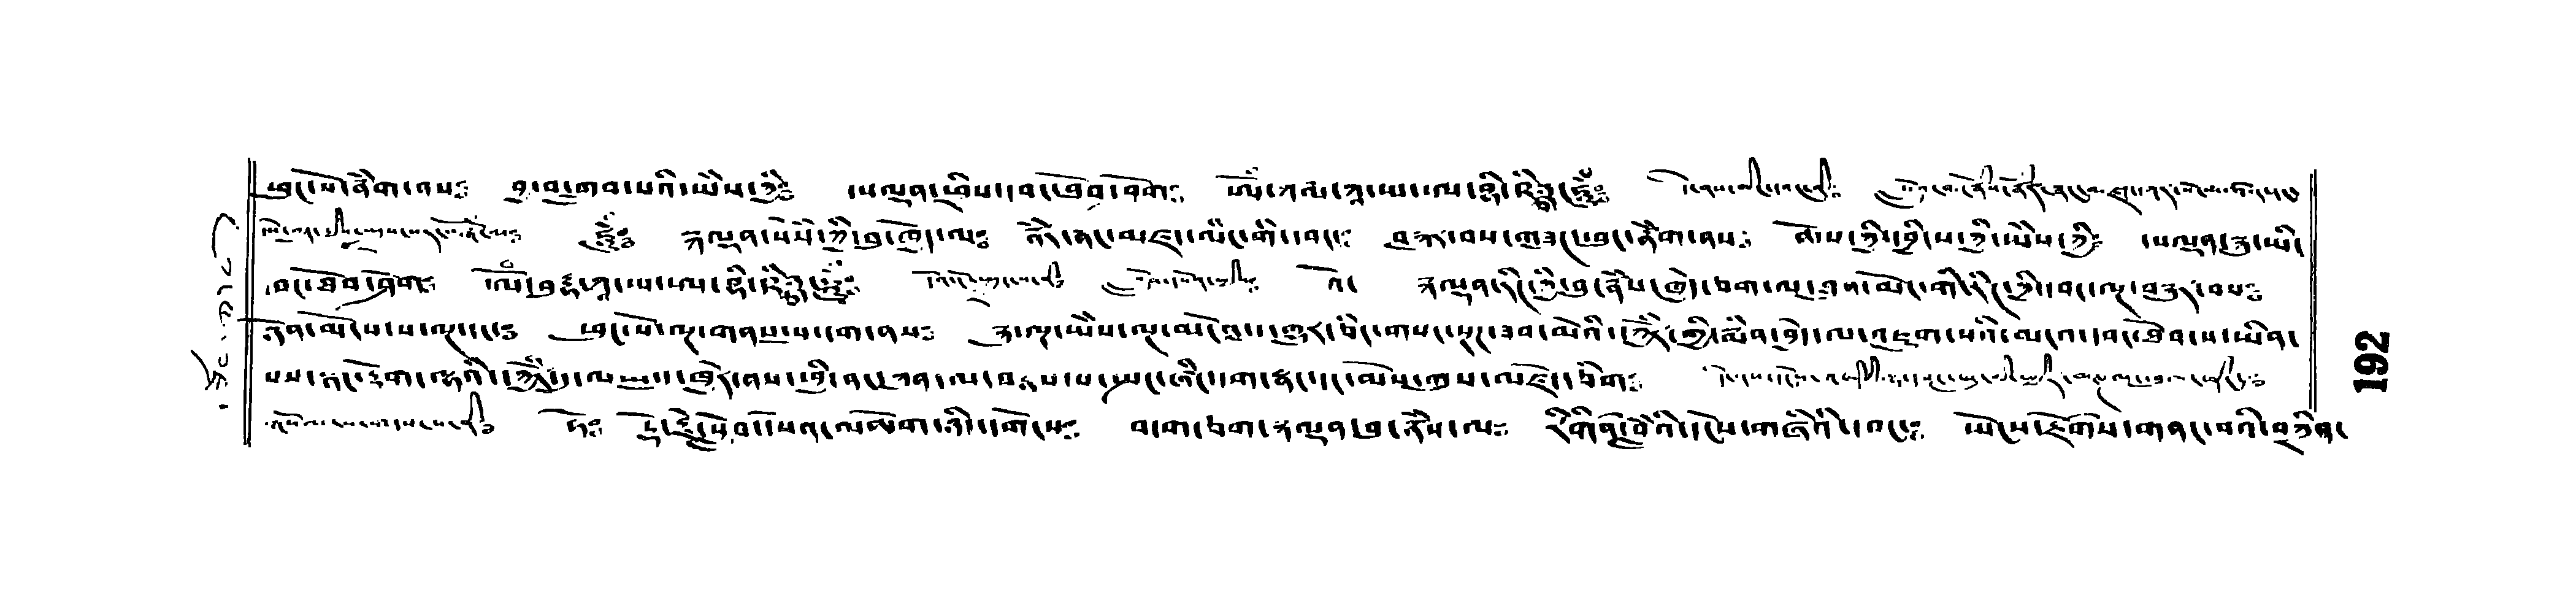ཕུང་པོ་རྣམ་དག་ནས༔ བྱ་བ་གྲུབ་པའི་ཡེ་ཤེས་ཀྱི༔ དཔལ་ལྡན་ཕྲིན་ལས་དབང་ཐོབ་ཤོག༔ ཨོཾ་ཀརྨ་ཀཱ་ཡ་ཨ་བྷི་རིཉྩ་ཧཱུྃ༔ དེ་ནས་མིང་དབང་ནི༔ སློབ་མ་རྣམས་རྣལ་པར་སྣང་མཛད་དཀར་པོ་མཚན་དང་
དཔེ་བྱད་ཀྱིས་སྤྲས་པར་བསྒོམ་ལ༔ ཧཱུྃ༔ སྐལ་ལྡན་སེམས་ཀྱི་བུ་ཁྱོད་ལ༔ རྣམ་པར་སྣང་མཛད་མིང་གི་དབང༔ བསྐུར་བས་གཟུགས་ཕུང་རྣམ་དག་ནས༔ ཆོས་ཀྱི་དབྱིངས་ཀྱི་ཡེ་ཤེས་ཀྱི༔ དཔལ་ལྡན་སྐུ་ཡི་
དབང་ཐོབ་ཤོག༔ ཨོཾ་བུདྡྷ་ཀཱ་ཡ་ཨ་བྷི་རིཉྩ་ཧཱུྃ༔ དོན་ངོ་སྤྲོད་པ་ནི༔ སློབ་དཔོན་གྱིས༔ འོ༔ སྐལ་ལྡན་རིགས་ཀྱི་བུ་རྣམས་ཁྱེད་ཅག་ལ་ཐུན་མོང་གི་རིགས་ཀྱི་དབང་ལྔ་བསྐུར་བས༔ 
ཉོན་མོངས་པ་ལྔ་དང༔ ཕུང་པོ་ལྔ་གནས་སུ་དག་ནས༔ སྐུ་ལྔ་ཡེ་ཤེས་ལྔ་མངོན་དུ་གྱུར་ཅིང་གསང་སྔགས་ཟབ་མོའི་དཀྱིལ་འཁོར་གྱི་སྨིན་བྱེད་ལ་འཇུག་པའི་མངའ་དབང་ཐོབ་པ་ཡིན་
པས་སྣང་རྟོག་ལྷའི་དཀྱིལ་འཁོར་དུ་ལམ་དུ་ཁྱེར་ནས་ཕྱི་ནང་ཀུན་ལ་བརྙས་པ་སྤང་ཞིང་དག་སྣང་དང་མོས་གུས་མཛོད་ཅིག༔ དེ་ནས་དངོས་གཞིའི་ལྷ་དབང་ཞུ་བའི་ཕྱིར་མཎྜལ་ཕུལ་ཞིང༔ 
གསོལ་པ་གདབ་པ་ནི༔ ཧོཿ རྡོ་རྗེ་སློབ་དཔོན་མཆོག་ཉིད་དགོངས༔ བདག་ཅག་སྐལ་ལྡན་བུ་རྣམས་ལ༔ རིག་འཛིན་བླ་མའི་དངོས་གཞིའི་དབང༔ ཡོངས་རྫོགས་གནང་བའི་བཀའ་དྲིན་